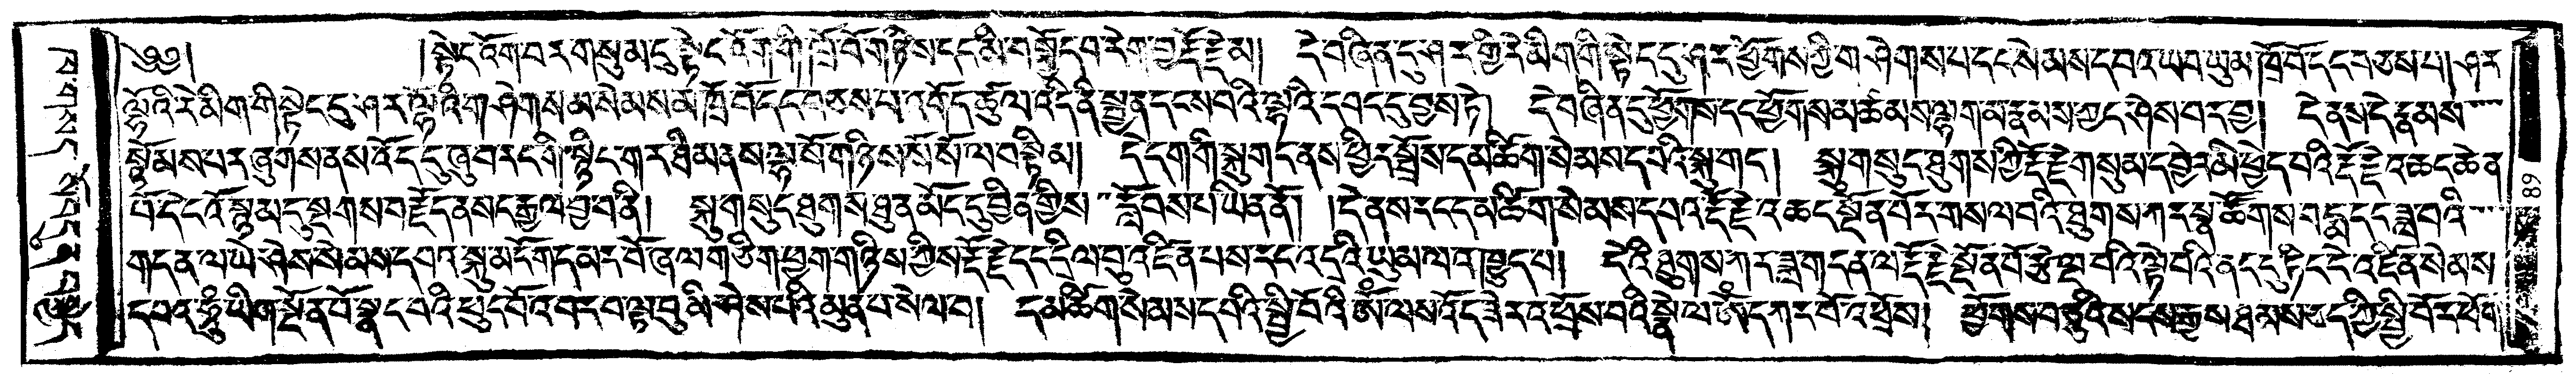༄༅། །སྟེང་འོག་བར་གསུམ་དུ་སྟེང་འོག་གི་ཁྲོ་བོ་གཉིས་དང་མི་བསྐྱོད་བ་རེག་བྱ་རྡོ་རྗེ་མ། དེ་བཞིན་དུ་ཤར་གྱི་རེ་མིག་གི་སྟེང་དུ་ཤར་ཕྱོགས་ཀྱི་གཤེགས་པ་དང་སེམས་དཔའ་ཡབ་ཡུམ་ཁྲོ་བོ་དང་བཅས་པ། ཤར་
ལྷོའི་རེ་མིག་གི་སྟེང་དུ་ཤར་ལྷོའི་གཤེགས་མ་སེམས་མ་ཁྲོ་བོ་དང་བཅས་པ་འགོད་ཚུལ་འདི་ནི་སྤྱན་དངས་བའི་ལྷའི་དབང་དུ་བྱས་ཏེ། དེ་བཞིན་དུ་ཕྱོགས་དང་ཕྱོགས་མཚམས་ལྷག་མ་རྣམས་ཀྱང་ཤེས་བར་བྱ། དེ་ནས་དེ་རྣམས་
སྙོམས་པར་ཞུགས་ནས་འོད་དུ་ཞུ་བ་རང་གི་སྙིང་གར་ཐིམ་ནས་ལྷ་སོ་གཉིས་སོ་སོ་ལ་བསྟིམ། དེ་དག་གི་སྐུ་གང་ནས་ཕྱིར་སྤྲོས་དམ་ཚིག་སེམས་དཔའི་སྐུ་གང་། སྐུ་གསུང་ཐུགས་ཀྱི་རྡོ་རྗེ་གསུམ་དབྱེར་མི་ཕྱེད་བའི་རྡོ་རྗེ་འཆང་ཆེན་
པོ་དེ་ངའོ་སྙམ་དུ་སྔགས་བརྗོད་ནས་ང་རྒྱལ་བྱ་བ་ནི། སྐུ་གསུང་ཐུགས་ཐུན་མོང་དུ་བྱིན་གྱིས་རློབས་པ་ཡིན་ནོ། །དེ་ནས་རང་དམ་ཚིག་སེམས་དཔའ་རྡོ་རྗེ་འཆང་སྔོན་པོར་གསལ་བའི་ཐུགས་ཀར་སྣ་ཚོགས་པདམ་དང་ཟླ་བའི་
གདན་ལ་ཡེ་ཤེས་སེམས་དཔའ་སྐུ་མདོག་དམར་བོ་ཞལ་གཅིག་ཕྱག་གཉིས་ཀྱིས་རྡོ་རྗེ་དང་དྲིལ་བུ་འཛིན་པས་རང་འདྲའི་ཡུམ་ལ་འཁྱུད་པ། དེའི་ཐུགས་ཀར་ཟླ་གདན་ལ་རྡོ་རྗེ་སྔོན་པོ་རྩེ་ལྔ་བའི་ལྟེ་བའི་ནང་དུ་ཏིང་ངེ་འཛིན་སེམས་
དཔའ་ཧཱུཾ་ཡིག་སྔོན་པོ་སྣང་བའི་ཕུང་པོ་འབར་བ་ལྟ་བུ་མི་ཤེས་པའི་མུན་པ་སེལ་བ། དམ་ཚིག་སེམས་དཔའི་སྤྱི་བོའི་ཨོཾ་ལས་འོད་ཟེར་འཕྲོས་བའི་སྣེ་ལ་ཨོཾ་དཀར་བོ་འཕྲོས། ཕྱོགས་བཅུའི་སངས་རྒྱས་ཐམས་ཅད་ཀྱི་སྤྱི་བོར་ཕོག་